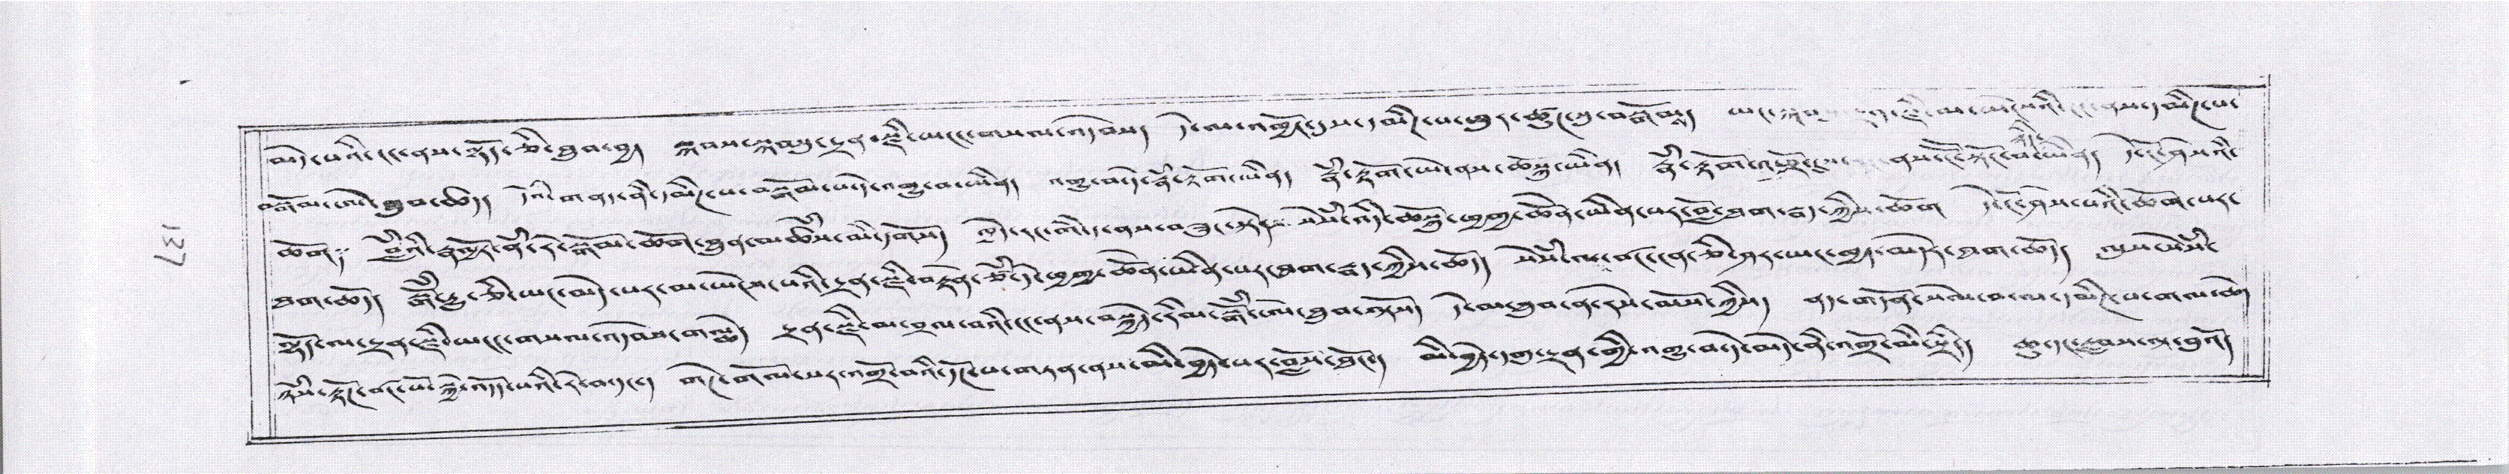མེད་པའི་ངང་ནས་ལྷོད་ཅི་ཐུབ་བྱ། སྐབས་སྐབས་སུ་དྲན་རྫི་ཡང་ཡང་གསལ་འདེབས། དེ་ལ་འབྱོངས་དུས་དམིགས་པ་ཕུར་ཚུགས་སུ་བསྒོམ། ཡང་སྐབས་སུ་དྲན་རྫི་མ་ཡེངས་པའི་ངང་ནས་དམིགས་པ་
སྒོམ་ཨེ་ཐུབ་ཚད། དེའི་གནད་ནི་དམིགས་པ་བསྒོམ་པ་དེ་འགྱུ་བ་ཡིན། འགྱུ་བ་དེ་རྣམ་རྟོག་ཡིན། རྣམ་རྟོག་ཡེ་ནས་ཆོས་སྐུ་ཡིན། རྣམ་རྟོག་འཕྲོ་དུས་རང་ནས་ངོ་བོ་སྟོང་ཉིད་ཡིན། དེ་ངོ་ཤེས་པས་
ཆོག བླ་མའི་རྣལ་འབྱོར་ནམ་རེ་བསྒོམ་ཆོག་ཐུན་མཚམས་མི་དགོས། ཁྱེད་རང་གི་ད་ནས་བཟུང་སྟེ་སེམས་འདི་ཆོས་སྐུ་ཕྱག་རྒྱ་ཆེན་པོ་ཡིན་པར་བློ་ཐག་རྦད་ཀྱིས་ཆོག དེ་ངོ་ཤེས་པའི་ཆོག་པར་
ཐག་ཆོད། སྒོམ་རྒྱུ་ཅི་ཡང་མེད་པར་མ་ཡེངས་པའི་དྲན་རྫི་བརྟེན་ཙམ་དེ་ཕྱག་རྒྱ་ཆེན་པོ་ཡིན་པར་ཐག་རྦད་ཀྱིས་ཆོད། སེམས་ལ་བཟང་ངན་ཅི་ཤར་ཡང་ཁྱད་མེད་པར་ཐག་ཆོད། ལུས་སེམས་
ལྷོད་ལ་དྲན་རྫི་ཡང་ཡང་གསལ་འདེབས་གལ་ཆེ། དྲན་རྫི་མ་བྲལ་བའི་ངང་ནས་བསྐྱེད་རིམ་བསྒོམ་ཨེ་ཐུབ་ལྟོས། དེ་མ་ཐུབ་ན་རེས་མོས་གྱིས། ནད་གདོན་སེལ་བ་ལ་དམིགས་པ་གལ་ཆེ། 
ཉམས་རྟོགས་བཟང་པོ་སྐྱེ་འདོད་པའི་རེ་བ་དང་། གེགས་གོལ་སར་འགྲོ་བའི་དྭོགས་པ་གཏན་ནས་མི་བྱེད་པར་བློས་ཐོངས། མི་བྱེད་དགུ་དྲན་གྱི་འགྱུ་བ་དེ་མེད་ནི་འགྲོ་མི་སྲིད། ཆུ་དང་རླབས་ལྟ་བུའོ།